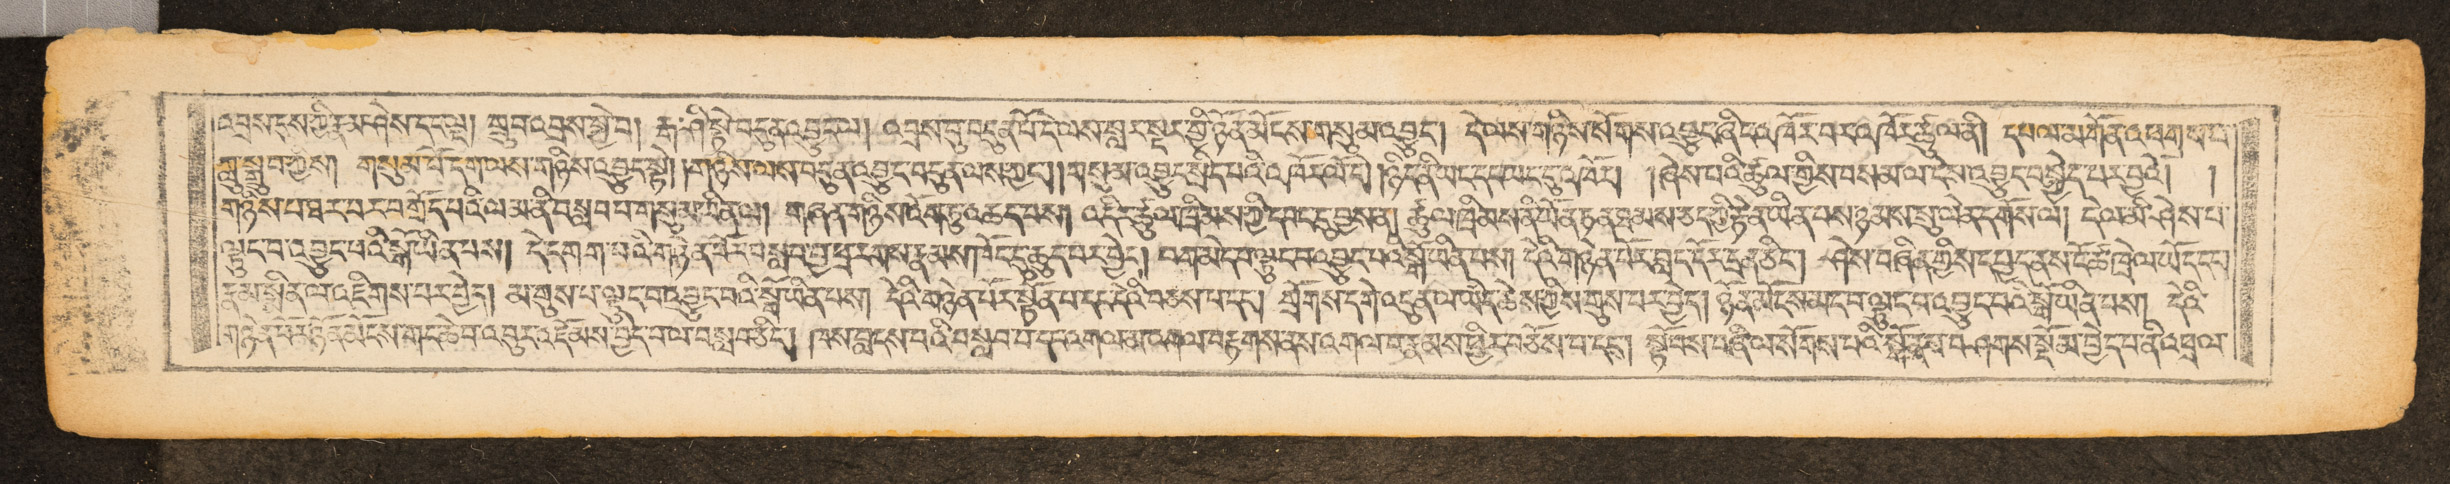འབྲས་དུས་ཀྱི་རྣམ་ཤེས་དང་ལྔ། གྲུབ་འབྲས་སྐྱེ་བ། རྒ་ཤི་སྟེ་བདུན་འབྱུང་ལ། འབྲས་བུ་བདུན་པོ་དེ་ལས་སླར་སྔར་གྱི་ཉོན་མོངས་གསུམ་འབྱུང་། དེ་ལས་གཉིས་སོགས་འབྱུང་ཞིང་འཁོར་བར་འཁོར་ཚུལ་ནི། དཔལ་མགོན་འཕགས་པ་
ཀླུ་སྒྲུབ་ཀྱིས། གསུམ་པོ་དག་ལས་གཉིས་འབྱུང་སྟེ། །གཉིས་ལས་བདུན་འབྱུང་བདུན་ལས་ཀྱང་། །གསུམ་འབྱུང་སྲིད་པའི་འཁོར་ལོ་དེ། །ཉིད་ནི་ཡང་དང་ཡང་དུ་འཁོར། །ཞེས་པའི་ཚུལ་གྱིས་བསམ་ལ་ངེས་འབྱུང་བསྐྱེད་པར་བྱའོ། །
གཉིས་པ་ཐར་པར་བགྲོད་པའི་ལམ་ནི་བསླབ་པ་གསུམ་ཡིན་ལ། གཞན་གཉིས་འོག་ཏུ་འཆད་པས། འདིར་ཚུལ་ཁྲིམས་ཀྱི་དབང་དུ་བྱས་ན། ཚུལ་ཁྲིམས་ནི་ཡོན་ཏན་ཐམས་ཅད་ཀྱི་རྟེན་ཡིན་པས་ཉམས་སུ་ལེན་དགོས་ལ། དེ་ལ་མི་ཤེས་པ་
ལྟུང་བ་འབྱུང་པའི་སྒོ་ཡིན་པས། དེ་དགག་པའི་གཉེན་པོར་བསླབ་བྱ་ཕྲ་རགས་རྣམས་ཁོང་དུ་ཆུད་པར་བྱེད། བག་མེད་པ་ལྟུང་བ་འབྱུང་པའི་སྒོ་ཡིན་པས། དེའི་གཉེན་པོར་བླང་དོར་དྲན་ཅིང་། ཤེས་བཞིན་གྱིས་དཔྱད་ནས་ངོ་ཚ་ཁྲེལ་ཡོད་དང་།
རྣམ་སྨིན་ལ་འཇིགས་པར་བྱེད། མ་གུས་པ་ལྟུང་བ་འབྱུང་བའི་སྒོ་ཡིན་པས། དེའི་གཉེན་པོར་སྟོན་པ་དང་དེའི་བཅས་པ་དང་། གྲོགས་དགེ་འདུན་ལ་ཡིད་ཆེས་ཀྱིས་གུས་པར་བྱེད། ཉོན་མོངས་མང་བ་ལྟུང་བ་འབྱུང་བའི་སྒོ་ཡིན་པས། དེའི་
གཉེན་པོར་ཉོན་མོངས་གང་ཆེ་བ་འབུར་འཇོམས་བྱེད་པ་ལ་བསླབ་ཅིང་། ཁས་བླངས་པའི་བསླབ་པ་དང་འགལ་མ་འགལ་བརྟགས་ནས་འགལ་བ་རྣམས་ཕྱིར་བཅོས་པ་དང་། སྟོབས་བཞི་ལ་སོགས་པའི་སྒོ་ནས་བཤགས་སྡོམ་བྱེད་པ་ནི་འཕྲལ་